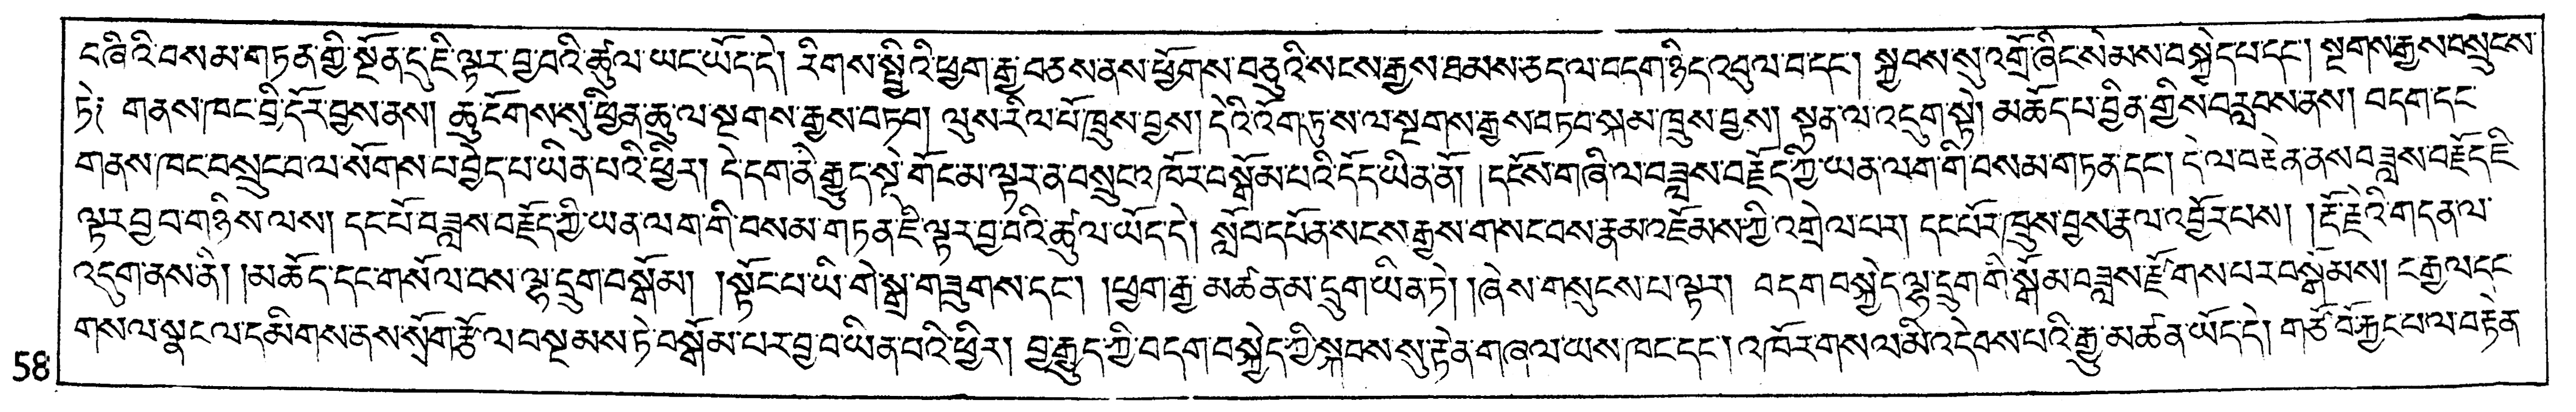བཞིའི་བསམ་གཏན་གྱི་སྔོན་དུ་ཇི་ལྟར་བྱ་བའི་ཚུལ་ཡང་ཡོད་དེ། རིགས་སྤྱིའི་ཕྱག་རྒྱ་བཅས་ནས་ཕྱོགས་བཅུའི་སངས་རྒྱས་ཐམས་ཅད་ལ་བདག་ཉིད་འབུལ་བ་དང་། སྐྱབས་སུ་འགྲོ་ཞིང་སེམས་བསྐྱེད་པ་དང་། སྔགས་རྒྱས་བསྲུངས་
ཏེ། གནས་ཁང་བྱི་དོར་བྱས་ནས། ཆུ་ངོགས་སུ་ཕྱིན་ཆུ་ལ་སྔགས་རྒྱས་བཏབ། ལུས་རིལ་པོ་ཁྲུས་བྱས། དེའི་འོག་ཏུ་ས་ལ་སྔགས་རྒྱས་བཏབ་སྐམ་ཁྲུས་བྱས། སྟན་ལ་འདུག་སྟེ། མཆོད་པ་བྱིན་གྱིས་བརླབས་ནས། བདག་དང་
གནས་ཁང་བསྲུང་བ་ལ་སོགས་པ་བྱེད་པ་ཡིན་པའི་ཕྱིར། དེ་དག་ནི་རྒྱུད་སྡེ་གོང་མ་ལྟར་ན་བསྲུང་འཁོར་བསྒོམ་པའི་དོད་ཡིན་ནོ། །དངོས་གཞི་ལ་བཟླས་བརྗོད་ཀྱི་ཡན་ལག་གི་བསམ་གཏན་དང་། དེ་ལ་བརྟེན་ནས་བཟླས་བརྗོད་ཇི་
ལྟར་བྱ་བ་གཉིས་ལས། དང་པོ་བཟླས་བརྗོད་ཀྱི་ཡན་ལག་གི་བསམ་གཏན་ཇི་ལྟར་བྱ་བའི་ཚུལ་ཡོད་དེ། སློབ་དཔོན་སངས་རྒྱས་གསང་བས་རྣམ་འཇོམས་ཀྱི་འགྲེལ་པར། དང་པོར་ཁྲུས་བྱས་རྣལ་འབྱོར་པས། །རྡོ་རྗེའི་གདན་ལ་
འདུག་ནས་ནི། །མཆོད་དང་གསོལ་བས་ལྷ་དྲུག་བསྒོམ། །སྟོང་པ་ཡི་གེ་སྒྲ་གཟུགས་དང་། །ཕྱག་རྒྱ་མཚན་མ་དྲུག་ཡིན་ཏེ། །ཞེས་གསུངས་པ་ལྟར། བདག་བསྐྱེད་ལྷ་དྲུག་གི་སྒོམ་བཟླས་རྫོགས་པར་བསྒོམས། ང་རྒྱལ་དང་
གསལ་སྣང་ལ་དམིགས་ནས་སྲོག་རྩོལ་བསྔམས་ཏེ་བསྒོམ་པར་བྱ་བ་ཡིན་པའི་ཕྱིར། བྱ་རྒྱུད་ཀྱི་བདག་བསྐྱེད་ཀྱི་སྐབས་སུ་རྟེན་གཞལ་ཡས་ཁང་དང་། འཁོར་གསལ་མི་འདེབས་པའི་རྒྱུ་མཚན་ཡོད་དེ། གཙོ་བོ་རྐྱང་པ་ལ་བརྟེན་